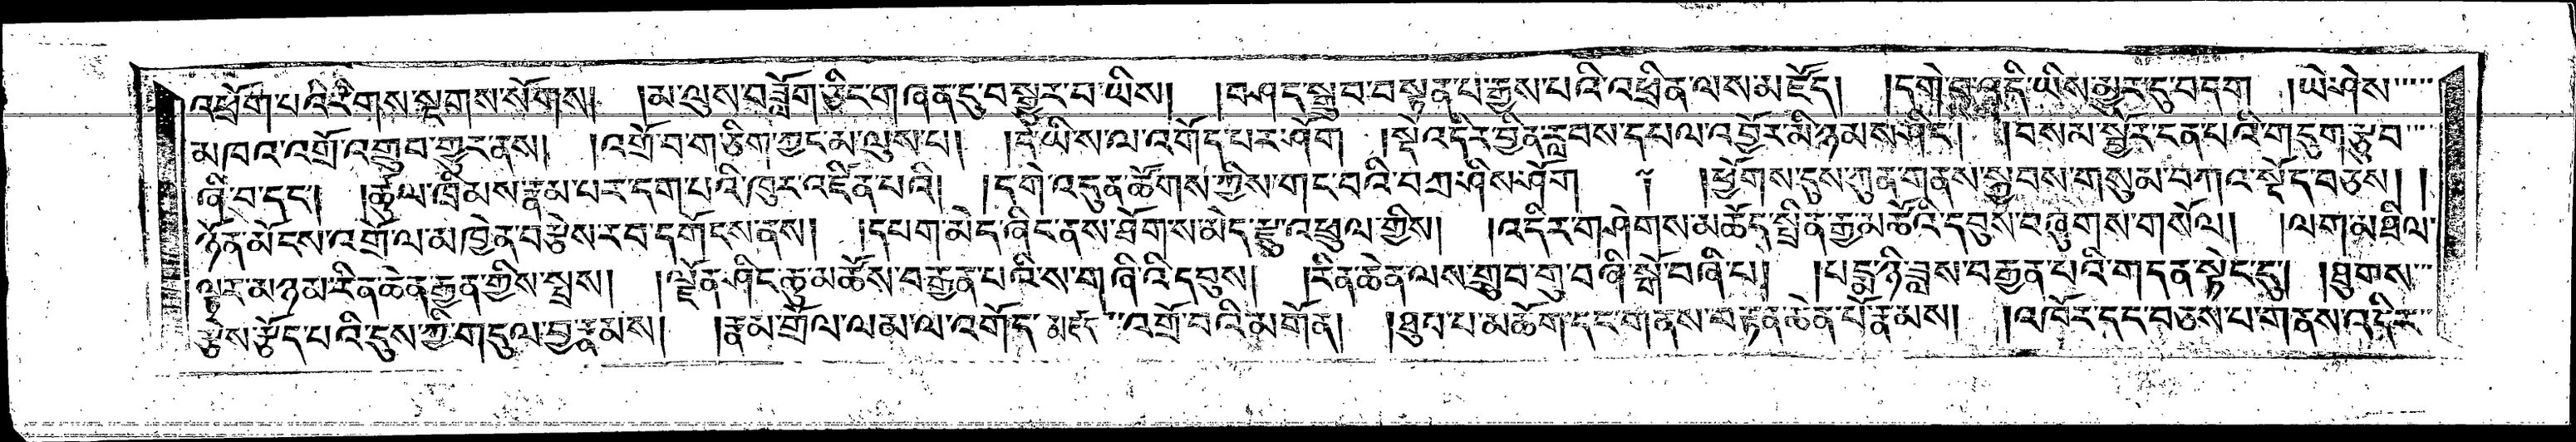འཕྲོག་པའི་རིགས་སྔགས་སོགས། །མ་ལུས་བཟློག་ཅིང་གཞན་དུ་བསྒྱུར་བ་ཡིས། །བཤད་སྒྲུབ་བསྟན་པ་རྒྱས་པའི་འཕྲིན་ལས་མཛོད། །དགེ་བ་འདི་ཡིས་མྱུར་དུ་བདག །ཡེ་ཤེས་
མཁའ་འགྲོ་འགྲུབ་གྱུར་ནས། །འགྲོ་བ་གཅིག་ཀྱང་མ་ལུས་པ། །དེ་ཡི་ས་ལ་འགོད་པར་ཤོག །སྡེ་འདིར་བྱིན་རླབས་དཔལ་འབྱོར་མི་ཉམས་ཤིང་། །བསམ་སྦྱོར་ངན་པའི་གདུག་རྩུབ་
ཞི་བ་དང་། །ཚུལ་ཁྲིམས་རྣམ་པར་དག་པའི་ཁུར་འཛིན་པའི། །དགེ་འདུན་ཚོགས་ཀྱིས་གང་བའི་བཀྲ་ཤིས་ཤོག ༈ །ཕྱོགས་དུས་ཀུན་གནས་སྐྱབས་གསུམ་བཀའ་སྡོད་བཅས། །
ཉོན་མོངས་འགྲོ་ལ་མཁྱེན་བརྩེས་རབ་དགོངས་ནས། །དཔག་མེད་ཞིང་ནས་ཐོགས་མེད་རྫུ་འཕྲུལ་གྱིས། །འདིར་གཤེགས་མཆོད་སྤྲིན་རྒྱ་མཚོའི་དབུས་བཞུགས་གསོལ། །ལག་མཐིལ་
ལྟར་མཉམ་རིན་ཆེན་རྒྱན་གྱིས་སྤྲས། །ལྗོན་ཤིང་ཆུ་མཚོས་བརྒྱན་པའི་ས་གཞིའི་དབུས། །རིན་ཆེན་ལས་གྲུབ་གྲུ་བཞི་སྒོ་བཞི་པ། །པདམ་ཉི་ཟླས་བརྒྱན་པའི་གདན་སྟེང་དུ། །ཐུགས་
རྩེས་རྩོད་པའི་དུས་ཀྱི་གདུལ་བྱ་རྣམས། །རྣམ་གྲོལ་ལམ་ལ་འགོད་མཛད་འགྲོ་བའི་མགོན། །ཐུབ་པ་མཆོག་དང་གནས་བརྟན་ཆེན་པོ་རྣམས། །འཁོར་དང་བཅས་པ་གནས་འདིར་